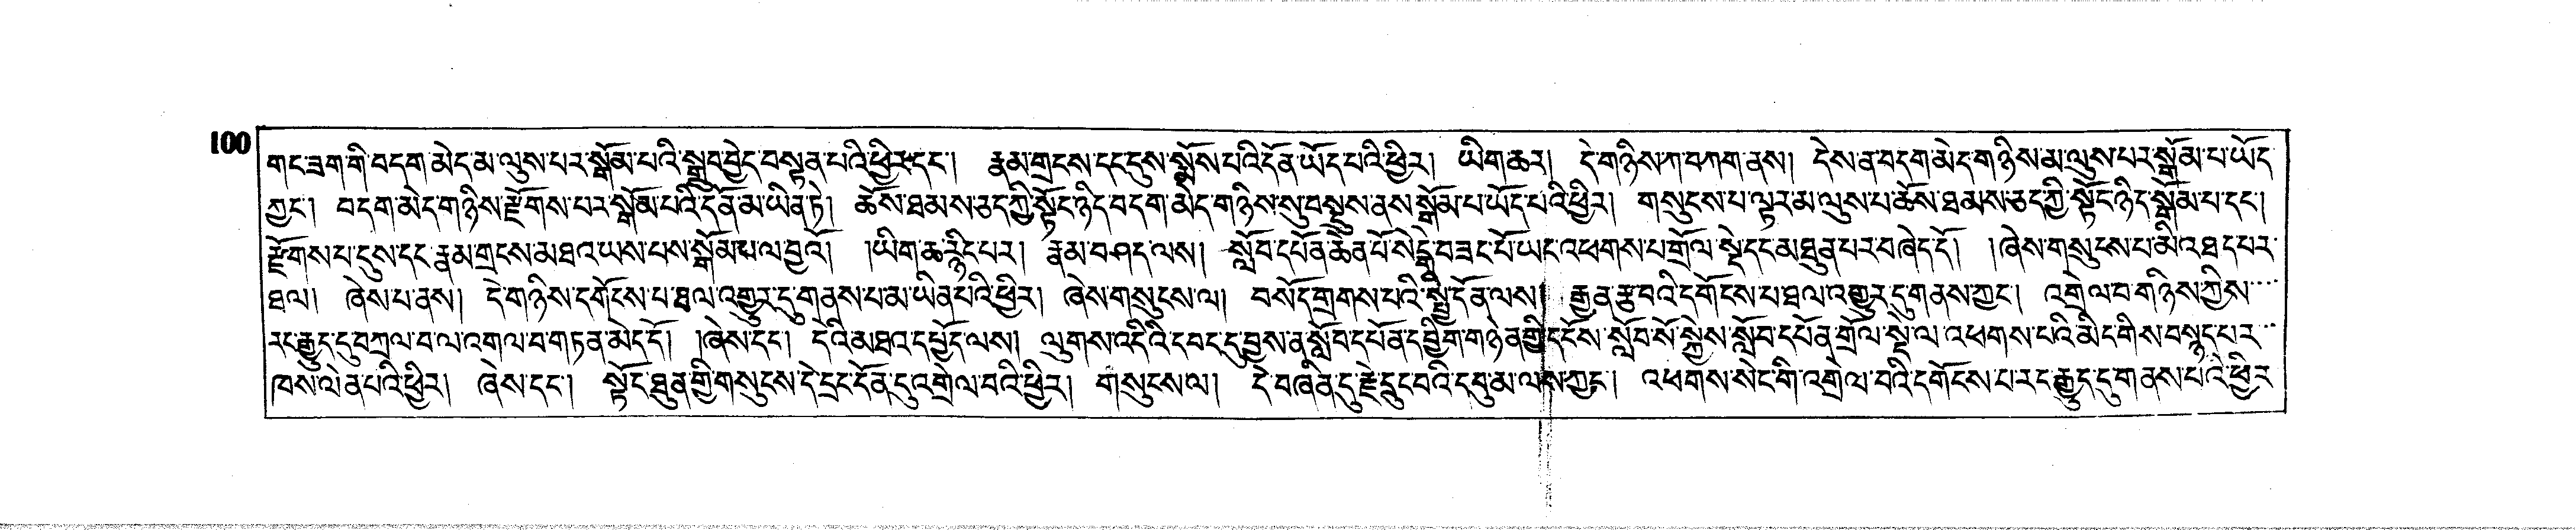གང་ཟག་གི་བདག་མེད་མ་ལུས་པར་སྒོམ་པའི་སྒྲུབ་བྱེད་བསྟན་པའི་ཕྱིར་དང་། རྣམ་གྲངས་དང་དུས་སྨོས་པའི་དོན་ཡོད་པའི་ཕྱིར། ཡིག་ཆར། དེ་གཉིས་ཀ་བཀག་ནས། དེས་ན་བདག་མེད་གཉིས་མ་ལུས་པར་སྒོམ་པ་ཡོད་
ཀྱང་། བདག་མེད་གཉིས་རྫོགས་པར་སྒོམ་པའི་དོན་མ་ཡིན་ཏེ། ཆོས་ཐམས་ཅད་ཀྱི་སྟོང་ཉིད་བདག་མེད་གཉིས་སུ་བསྡུས་ནས་སྒོམ་པ་ཡོད་པའི་ཕྱིར། གསུངས་པ་ལྟར་མ་ལུས་པ་ཆོས་ཐམས་ཅད་ཀྱི་སྟོང་ཉིད་སྒོམ་པ་དང་།
རྫོགས་པ་དུས་དང་རྣམ་གྲངས་མཐའ་ཡས་པས་སྒོམ་པ་ལ་བྱའོ། །ཡིག་ཆ་རྙིང་པར། རྣམ་བཤད་ལས། སློབ་དཔོན་ཆེན་པོ་སེངྒེ་བཟང་པོ་ཡང་འཕགས་པ་གྲོལ་སྡེ་དང་མཐུན་པར་བཞེད་དོ། །ཞེས་གསུངས་པ་མི་འཐད་པར་
ཐལ། ཞེས་པ་ནས། དེ་གཉིས་དགོངས་པ་ཐལ་འགྱུར་དུ་གནས་པ་མ་ཡིན་པའི་ཕྱིར། ཞེས་གསུངས་ལ། བསོད་གྲགས་པའི་སྤྱི་དོན་ལས། རྒྱན་རྩ་བའི་དགོངས་པ་ཐལ་འགྱུར་དུ་གནས་ཀྱང་། འགྲེལ་བ་གཉིས་ཀྱིས་
རང་རྒྱུད་དུ་བཀྲལ་བ་ལ་འགལ་བ་གཏན་མེད་དོ། །ཞེས་དང་། དེའི་མཐའ་དཔྱོད་ལས། ལུགས་འདིའི་དབང་དུ་བྱས་ན་སློབ་དཔོན་དབྱིག་གཉེན་གྱི་དངོས་སློབ་སོ་སྐྱེས་སློབ་དཔོན་གྲོལ་སྡེ་ལ་འཕགས་པའི་མིང་གིས་བསྙད་པར་
ཁས་ལེན་པའི་ཕྱིར། ཞེས་དང་། སྟོང་ཐུན་གྱི་གསུངས་དེ་དྲང་དོན་དུ་འགྲེལ་བའི་ཕྱིར། གསུངས་ལ། དེ་བཞིན་དུ་རྗེ་དྲུང་བའི་དབུ་མ་ལས་ཀྱང་། འཕགས་སེང་གི་འགྲེལ་བའི་དགོངས་པ་རང་རྒྱུད་དུ་གནས་པའི་ཕྱིར་